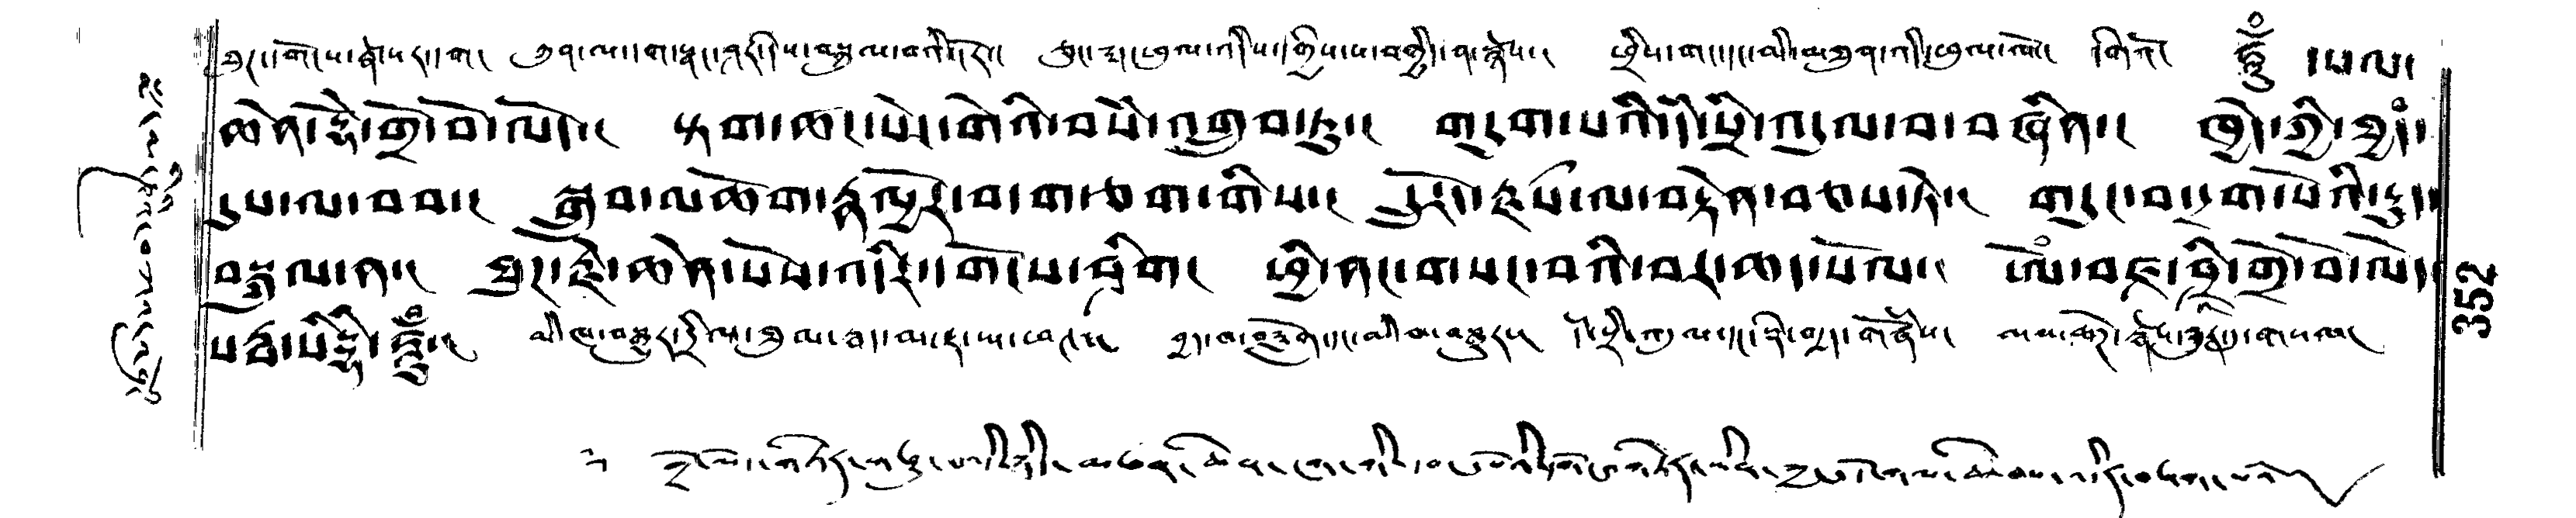ཐུགས་དགོངས་རྣམ་པར་དག །ཀུན་ལ་དག་སྣང་ཤར་དེས་བསྐུལ་བའི་ངོར། །ཅུང་ཟད་ཕུལ་འདིས་དགྱེས་པ་བགྱིད་ན་སྙམ། །ཕྲིན་ལས་གང་དང་མི་མཐུན་འདི་ཕུལ་ལོ།། དགེའོ།། ཧཱུྃ། དཔལ་
ཆེན་རྡོ་རྗེ་གྲོ་བོ་ལོད། །སྟག་ཚང་སེང་གེའི་བསམ་འགྲུབ་ཏུ། །གདུག་པའི་དམ་སྲི་འདུལ་བ་བཞིན། །ཁྱེད་ཀྱི་ཐུགས་དམ་
དུས་ལ་བབ། །སྒྲུབ་མཆོག་རྣལ་འབྱོར་བདག་ཅག་གིས། །དུར་ཁྲོད་རྫས་ལ་བརྟེན་བཅས་ཏེ། །གདུང་བ་དྲག་པོས་རྒྱུད་
བསྐུལ་ན། །ཐུགས་རྗེ་ཆེན་པོས་འདིར་དགོངས་ཤིག །ཕྱི་ནང་གསང་བའི་བར་ཆད་སོལ། ཨོཾ་བཛྲ་ཤྲཱི་གྲོ་བོ་ལོད་
སརྦ་སིདྡྷི་ཧཱུྃ། མི་ཁ་བསྒྱུར་དྲིལ་ཐུལ་སྦད་མ་ར་ཡ་ཕཊཿ བྱད་ཁ་བཟློག་དང་མི་ཁ་བསྒྱུར། །དམ་སྲི་འདུལ་དང་སྡེ་བརྒྱད་གཞོམས། །ལས་ཚོགས་རྣམས་ནི་ཟུར་དུ་གསལ། 
གྲོ་ལོད་གཏེར་གཞུང་འདི་ཉིད་མཁན་ཆེན་ངག་གི་དབང་པོའི་དགོངས་གཏེར་ཡིན་ཀྱང་དོ་གལ་ཆེ་བས་འདིར་བཞག་པའོ།། དགེའོ།།